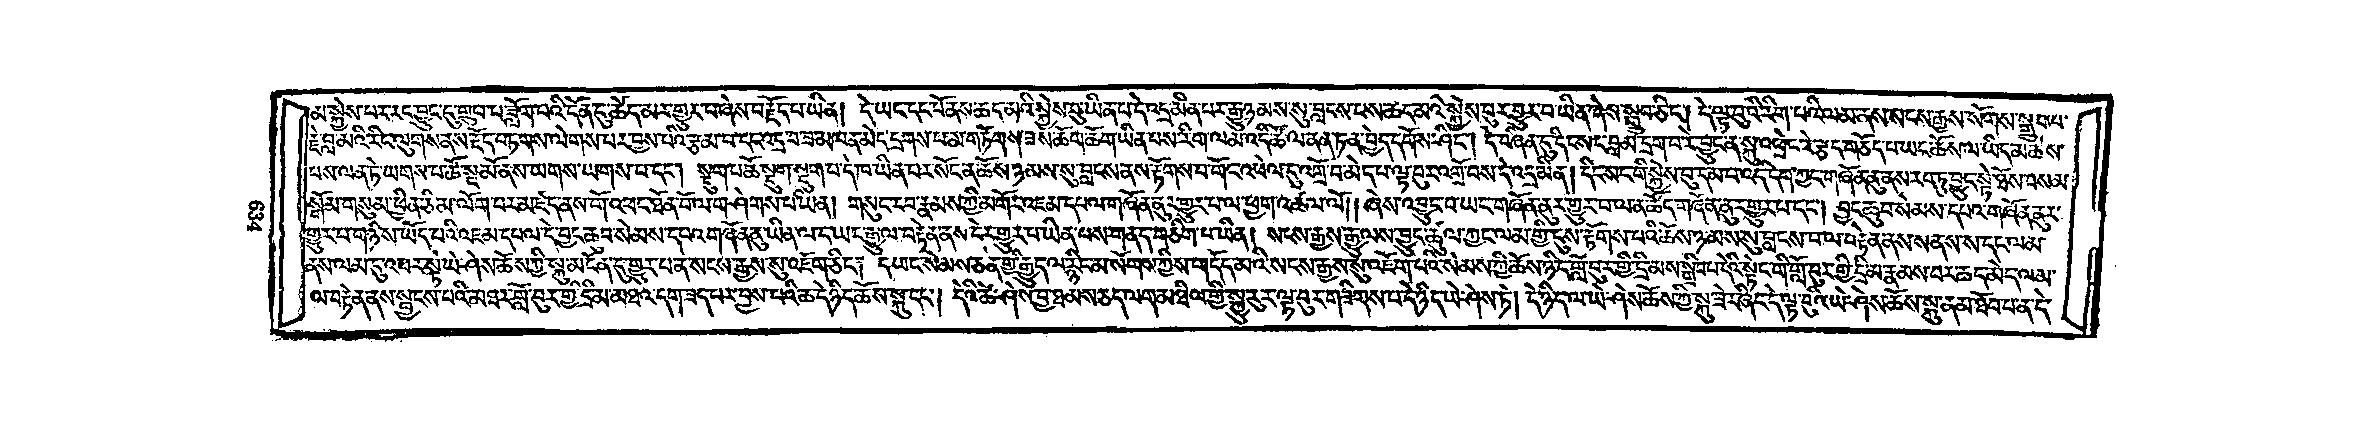མ་སྐྱེས་པར་རང་བྱུང་དུ་གྲུབ་པ་ཟློག་པའི་དོན་དུ་ཆེད་མར་གྱུར་པ་ཞེས་བརྗོད་པ་ཡིན། དེ་ཡང་དང་པོ་ནས་ཆད་མའི་སྐྱེས་བུ་ཡིན་པ་དེ་འདྲ་མིན་པར་རྒྱུ་ཉམས་སུ་བླངས་པས་ཚད་མའི་སྐྱེས་བུར་གྱུར་པ་ཡིན་ཞེས་སྒྲུབ་ཅིང་། དེ་ལྟ་བུའི་རིག་པའི་ལམ་ནས་སངས་རྒྱས་སོགས་སྒྲུབ་པ་
རྗེ་བླ་མའི་རིང་ལུགས་ནས་རྔོད་བཏགས་ལེགས་པར་བྱས་པའི་རྩམ་པ་དང་འདྲ་བ་ཟ་མཁན་མེད་དྲགས་པ་མ་གཏོགས་ཟས་ཆོག་ཆོག་ཡིན་པས་རིག་ལམ་འདི་ཚོ་ལ་ནན་ཏན་བྱེད་དགོས་ཤིང་། དེ་བཞིན་དུ་དིང་སང་བླ་མ་དྲག་པ་རེ་བྱུང་ན་སྐུ་འཕྲེང་རེ་རྩད་གཅོད་པ་ཡང་ཆོས་ལ་ཡིད་མཆེས་
པས་ལན་ཏེ་ཡགས་པ་ཚོ་སྔ་མོ་ནས་ཡགས་ཡགས་པ་དང་། སྡུག་པ་ཆོ་སྡུག་སྡུག་པ་དེ་ཁ་ཡིན་པར་སོང་ན་ཆོས་ཉམས་སུ་བླངས་ནས་རྟོགས་པ་གོང་འཕེལ་དུ་འགྲོ་བ་མེད་པ་ལྟ་བུར་འགྲོ་བས་དེ་འདྲ་མིན། དིང་སང་གི་སྐྱེས་བུ་དམ་པ་འདི་དག་ཀྱང་གཞོན་ནུ་ནས་རབ་ཏུ་བྱུང་སྟེ་ཐོས་བསམ་
སྒོམ་གསུམ་ཕྱིན་ཅི་མ་ལོག་པར་མཛད་ནས་གོ་འཕང་ཐོན་པོ་ལ་གཤེགས་པ་ཡིན། གསུང་རབ་རྣམས་ཀྱི་མགོར་འཇམ་དཔལ་གཞོན་ནུར་གྱུར་པ་ལ་ཕྱག་འཚལ་ལོ། །ཞེས་འབྱུང་བ་ཡང་གཞོན་ནུར་གྱུར་པ་ལ་ན་ཚོད་གཞོན་ནུར་གྱུར་པ་དང་། བྱང་ཆུབ་སེམས་དཔའ་གཞོན་ནུར་
གྱུར་པ་གཉིས་ཡོད་པའི་འཇམ་དཔལ་དེ་བྱང་ཆུབ་སེམས་དཔའ་གཞོན་ནུ་ཡིན་ལ་ད་ཡང་རྒྱུ་ལ་བརྟེན་ནས་དེར་གྱུར་པ་ཡིན་པས་གནད་གཅིག་པ་ཡིན། སངས་རྒྱས་རྒྱུ་ལས་བྱུང་ཚུལ་ཀྱང་ལམ་གྱི་དུས་རྟོགས་པའི་ཆོས་ཉམས་སུ་བླངས་པ་ལ་བརྟེན་ནས་ས་ནས་ས་དང་ལམ་
ནས་ལམ་དུ་འཕར་སྟེ་ཡེ་ཤེས་ཆོས་ཀྱི་སྐུ་མངོན་དུ་གྱུར་པ་ན་སངས་རྒྱས་སུ་འཇོག་ཅིང་། ད་ཡང་སེམས་ཅན་གྱི་རྒྱུད་ལ་རྙིང་མ་སོགས་ཀྱིས་གདོད་མའི་སངས་རྒྱས་སུ་འཇོག་པའི་སེམས་ཀྱི་ཆོས་ཉིད་གློ་བུར་གྱི་དྲི་མས་སྒྲིབ་པ་དེའི་སྟེང་གི་གློ་བུར་གྱི་དྲི་མ་རྣམས་བར་ཆད་མེད་ལམ་
ལ་བརྟེན་ནས་སྦྱངས་པའི་མཐར་གློ་བུར་གྱི་དྲི་མ་མཐའ་དག་ཟད་པར་བྱས་པའི་ཆ་དེ་ཉིད་ཆོས་སྐུ་དང་། དེའི་ཚེ་ཤེས་བྱ་ཐམས་ཅད་ལག་མཐིལ་གྱི་སྐྱུ་རུར་ལྟ་བུར་གཟིགས་པ་དེ་ཉིད་ཡེ་ཤེས་ཏེ། དེ་ཉིད་ལ་ཡེ་ཤེས་ཆོས་ཀྱི་སྐུ་ཟེར་ཞིང་དེ་ལྟ་བུའི་ཡེ་ཤེས་ཆོས་སྐུ་ནམ་ཐོབ་པ་ན་དེ་